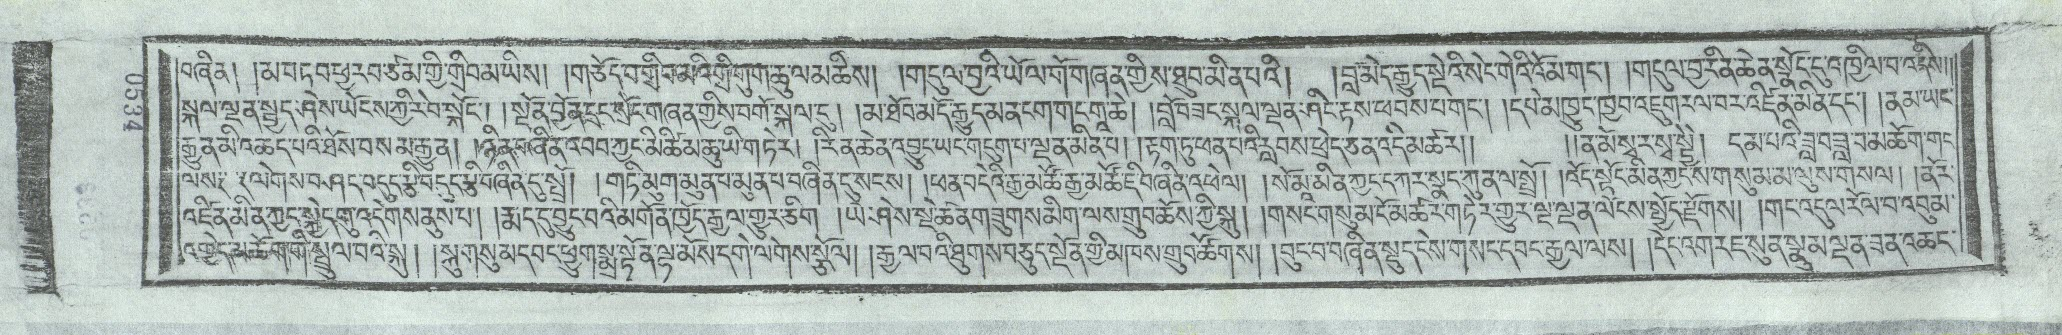བཞིན། །མ་བཏབ་ཕྱར་བ་ཙམ་གྱི་གྲིབ་མ་ཡིས། །གཅོད་བ་གྲིབ་མའི་གྲི་གུག་ཆུ་ལ་མཆིས། །གདུལ་བྱའི་ཡོལ་གོ་གཞན་གྱིས་ཐུབ་མིན་པའི། །བླ་མེད་རྒྱུད་སྡེའི་སེང་གེའི་འོམ་གང་། །གདུལ་བྱ་རིན་ཆེན་སྣོང་དུ་འཁྲིལ་པ་འདིས། །
སྐལ་ལྡན་སྦྱད་ཤེས་ཡོངས་ཀྱི་རེབ་སྐོང་། །སྔོན་བྱོན་དྲང་སྲོང་གཞན་གྱིས་བགོ་སྐལ་དུ། །མ་ཐོབ་མདོ་རྒྱུད་མན་ངག་ངག་གཱ་ཆེ། །བློ་བཟང་སྐལ་ལྡན་ཤིང་རྟས་ཕབས་པ་གང་། །དཔེ་མ་ཁྱུང་ཁྱབ་འཇུག་རལ་བར་འཛིན་མིན་དང་། །ནམ་ཡང་
རྒྱུན་མི་འཆད་པའི་ཐོས་བསམ་རྒྱུན། །ཉིན་བཞིན་འབབ་ཀྱང་མི་ཚིམ་ཆུ་ཡི་གཏེར། །རིན་ཆེན་འབྱུང་ཡང་གདུག་པ་ལྡན་མིན་པ། །རྟག་ཏུ་ཕན་པའི་རླབས་ཕྲེང་ཅན་འདི་མཚར།། །།ན་མོ་སྭ་ར་སྭ་སྟྱཻ། དམ་པའི་ཟླ་བ་ཟླ་བ་མཆོག་གང་
ལས༑ ༑ལེགས་བཤད་བདུད་རྩི་བདུད་རྩི་བཞིན་དུ་སྤྲོ། །གཏི་མུག་མུན་པ་མུན་པ་བཞིན་དུ་སངས། ཕན་བདེའི་རྒྱ་མཚོ་རྒྱ་མཚོ་ཇི་བཞིན་འཕེལ། སོ་མཱ་མིན་ཀྱང་དཀར་སྣང་ཀུན་ལ་སྤྲོ། །འདོད་སྟོང་མིན་ཀྱང་ས་གསུམ་མ་ལུགས་གསལ། །ནོར་
འཛིན་མིན་ཀྱང་སྐྱེད་གུ་འདེགས་ནུས་པ། །རྨད་དུ་བྱང་བའི་མགོན་ཁྱོད་རྒྱལ་གྱུར་ཅིག །ཡེ་ཤེས་སྡེ་ཚན་གཟུགས་མིག་ལས་གྲུབ་ཆོས་ཀྱི་སྐུ། །གསང་གསུམ་ངོ་མཚར་གཏེར་གྱུར་ལྔ་ལྡན་ལོངས་སྤྱོད་རྫོགས། །གང་འདུལ་རོལ་བ་འབུམ་
འགྱེད་མཆོག་གི་སྤྲུལ་བའི་སྐུ། །སྐུ་གསུམ་དབང་ཕྱུག་སྨྲ་སྟོན་ལྷ་མོས་དགེ་ལེགས་སྩོལ། །རྒྱལ་བའི་ཐུགས་བཅུད་སྔོན་གྱི་མཁས་གྲུབ་ཚོགས། །བུད་བ་བཞིན་སྡུད་དེས་གསང་དབང་རྒྱལ་ལས། །དེང་འགར་ཇ་སུན་སྣུམ་ལྡན་ཟན་འཆད་